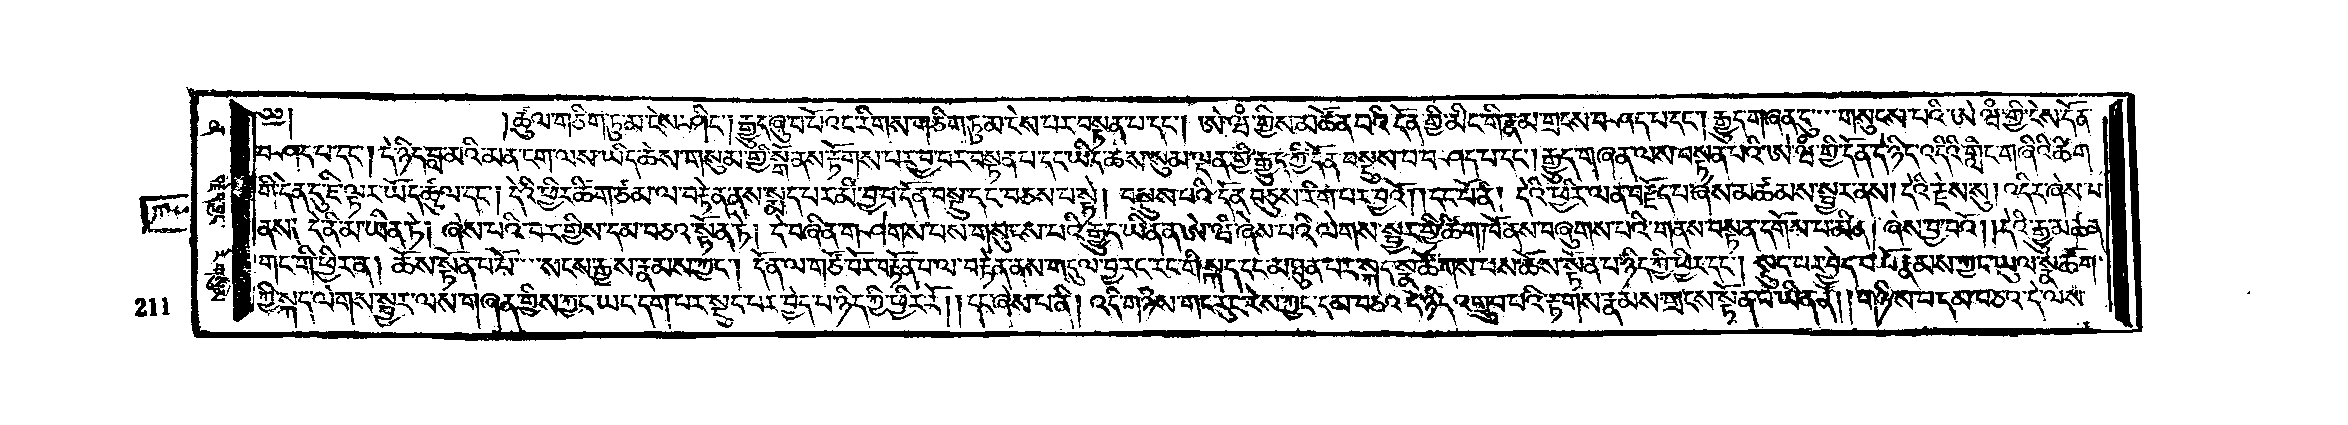༄༅། །ཚུལ་གཅིག་ཏུ་མ་ངེས་ཤིང་། རྒྱུད་ཞུ་བ་པོའང་རིགས་གཅིག་ཏུ་མ་ངེས་པར་བསྟན་པ་དང་། ཨེ་ཝཾ་གྱིས་མཚོན་པའི་དོན་གྱི་མིང་གི་རྣམ་གྲངས་བཤད་པ་དང་། རྒྱུད་གཞན་དུ་གསུངས་པའི་ཨེ་ཝཾ་གྱི་ངེས་དོན་
བཤད་པ་དང་། དེ་ཉིད་བླ་མའི་མན་ངག་ལས་ཡིད་ཅེས་གསུམ་གྱི་སྒོ་ནས་རྟོགས་པར་བྱ་བར་བསྟན་པ་དང་ཡིད་ཆེས་གསུམ་ལྡན་གྱི་རྒྱུད་ཀྱི་དོན་བསྡུས་པ་བཤད་པ་དང་། རྒྱུད་གཞན་ལས་བསྟན་པའི་ཨེ་ཝཾ་གྱི་དོན་དེ་ཉིད་འདིའི་གླེང་གཞིའི་ཚིག་
གི་དོན་དུ་ཇི་ལྟར་ཡོད་ཚུལ་དང་། དེའི་ཕྱིར་ཚིག་ཙམ་ལ་བརྟེན་ནས་སྨད་པར་མི་བྱ་བ་དོན་བསྡུ་དང་བཅས་པ་སྟེ། བསྡུས་པའི་དོན་བཅུས་རིག་པར་བྱའོ། །དང་པོ་ནི། དེའི་ཕྱིར་ལན་བརྗོད་པ་ཞེས་མཚམས་སྦྱར་ནས། དེའི་རྗེས་སུ། འདིར་ཞེས་པ་
ནས། དེ་ནི་མ་ཡིན་ཏེ། ཞེས་པའི་བར་གྱིས་དམ་བཅའ་སྟོན་ཏེ། དེ་བཞིན་གཤེགས་པས་གསུངས་པའི་རྒྱུད་ཡིན་ན་ཨེ་ཝཾ་ཞེས་པའི་ལེགས་སྦྱར་གྱི་ཚིག་ཁོ་ནས་བཞུགས་པའི་གནས་བསྟན་དགོས་པ་མིན། ཞེས་བྱ་བའོ། །དེའི་རྒྱུ་མཚན་
གང་གི་ཕྱིར་ན། ཆོས་སྟོན་པ་པོ་སངས་རྒྱས་རྣམས་ཀྱང་། དོན་ལ་གཙོ་བོར་བརྟོན་པ་ལ་བརྟེན་ནས་གདུལ་བྱ་རང་རང་གི་སྐད་དང་མཐུན་པར་སྐད་སྣ་ཚོགས་པས་ཆོས་སྟོན་པ་ཉིད་ཀྱི་ཕྱིར་དང་། སྡུད་པར་བྱེད་པ་པོ་རྣམས་ཀྱང་ཡུལ་སྣ་ཚོགས་
ཀྱི་སྐད་ལེགས་སྦྱར་ལས་གཞན་གྱིས་ཀྱང་ཡང་དག་པར་སྡུད་པར་བྱེད་པ་ཉིད་ཀྱི་ཕྱིར་རོ། །དང་ཞེས་པ་ནི། འདི་གཉིས་གང་རུང་རེས་ཀྱང་དམ་བཅའ་དེ་ཉིད་འགྲུབ་པའི་རྟགས་རྣམས་གྲངས་སྟོན་པ་ཡིན་ནོ། །གཉིས་པ་དམ་བཅའ་དེ་ལས་